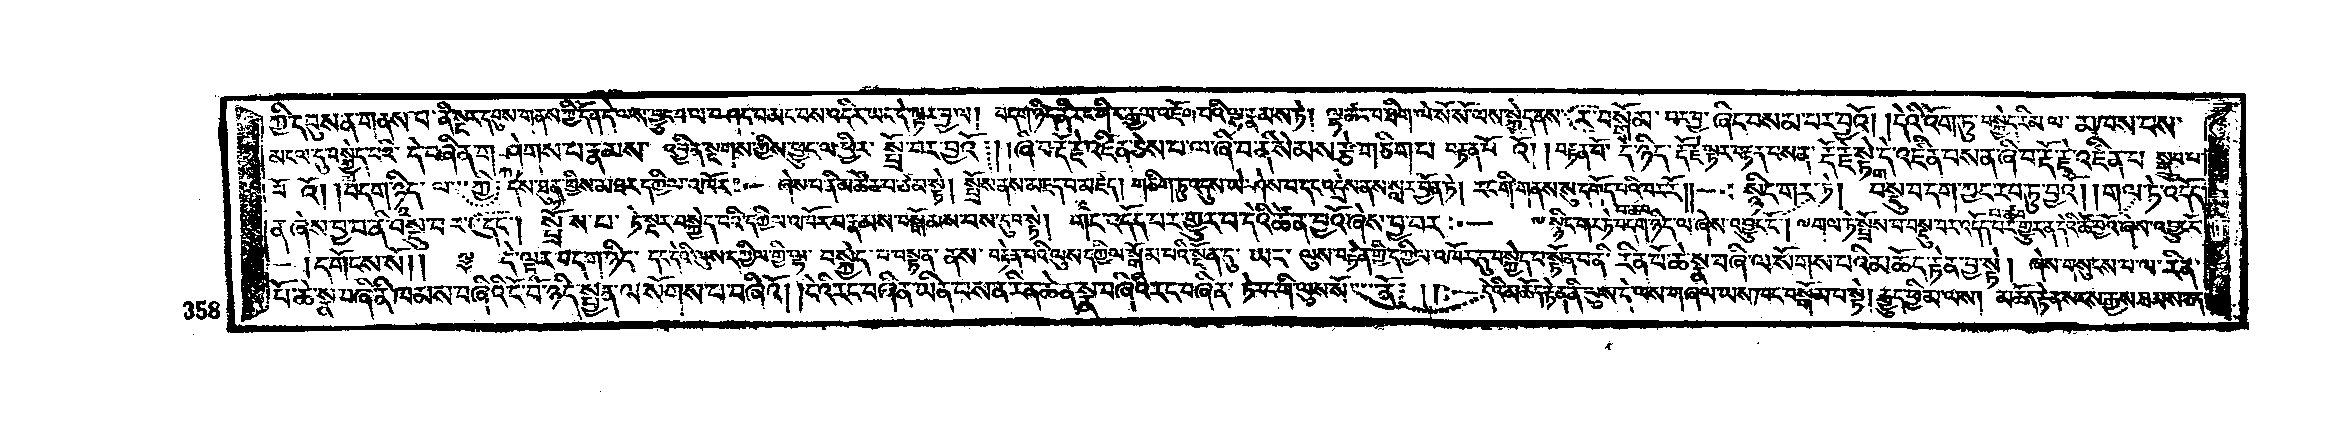ཀྱི་དབུས་ན་གནས་པ་ནི་སྔར་དབུས་གནས་ཀྱི་དོན་དེ་ལས་བྱུང་བ་ལ་བཤད་པ་མང་བས་འདིར་ཡང་དེ་ལྟར་བྱ་ལ། བདག་ཉིད་ནི་རང་གི་ང་རྒྱལ་འཇོག་པའི་ལྷ་རྣམས་ཏེ། ལྷ་ཚང་བ་ཐིག་ལེ་སོ་སོ་ལས་སྐྱེད་ནས་ར་བསྒོམ་པར་བྱ་ཞིང་བསམ་པར་བྱའོ། །དེའི་འོག་ཏུ་བསྐྱེད་རིམ་ལ་མཁས་པས་
མངལ་དུ་བསྐྱེད་པའི་དེ་བཞིན་གཤེགས་པ་རྣམས་འབྱིན་སྔགས་ཀྱིས་ཕྱུང་ལ་ཕྱིར་སྤྲོ་བར་བྱའོ། །ཞི་བ་རྡོ་རྗེ་འཛིན་ཅེས་པ་ལ་ཞི་བ་ནི་སེམས་རྩེ་གཅིག་པ་བརྟན་པོ་འོ། །བརྟན་པོ་དེ་ཉིད་རྡོ་རྗེ་སྟར་བརྟན་པས་ན་རྡོ་རྗེ་སྟེ་དེ་འཛིན་པས་ན་ཞི་བ་རྡོ་རྗེ་འཛིན་པ་སྒྲུབ་པ
པོའོ། ། ཁ་བདག་ཉིད་ལ་ཀྱི་ཀ྄་དེས་ཐུན་གྱིས་མཐར་དཀྱིལ་འཁོར་H.་ཞེས་པ་ནི་མཚོན་པ་ཙམ་སྟེ། སྤྲོས་ནས་མཛད་པ་མཛད། གཅིག་ཏུ་འདུས་ཡེ་ཤེས་པ་དང་འདྲེས་ནས་སླར་བྱོན་ཏེ། རང་གི་གནས་སུ་དགོད་པའི་བར་རོ།།  .Hསྙིང་གར་ཏེ།  ག྄་བསྡུ་བ་དག་ཀྱང་རབ་ཏུ་བྱའོ། །གལ་ཏེ་འདོད་
ན་ཞེས་བྱ་བ་ནི ༢་བསྡུ་བར་དང་། སྤྲོས་པ་ཏེ་སྔར་བསྐྱེད་པའི་དཀྱིལ་འཁོར་བ་རྣམས་བསྒོམས་པས་དུབ་སྟེ།  གང་འདོད་པར་གྱུར་པ་དེའི་ཚེ་ན་བྱའོ་ཞེས་བྱ་བརཿ་༧སྙིང་གར་ཏེ་པ་ཚབ་བདག་ཉིད་ལ་ཞེས་འབྱུང་ངོ། ༧གལ་ཏེ་སྤྲོས་པ་བསྡུ་བར་འདོད་པ་ཚབ་པར་གྱུར་ན་དེའི་ཚེ་བྱའོ་ཞེས་འབྱུང་ངོ
.H དགོངས་སོ།། ༈ དེ་ལྟར་བདག་ཉིད་དང་དེའི་ལུས་དཀྱིལ་གྱི་ལྷ་བསྐྱེད་པ་བསྟན་ནས་བརྟེན་པའི་ལུས་དཀྱིལ་སྒོམ་པའི་སྔོན་དུ་ཡང་ལུས་བརྟེན་གྱི་དཀྱིལ་འཁོར་དུ་བསྐྱེད་པ་སྟོན་པ་ནི་རིན་པོ་ཆེ་སྣ་བཞི་ལ་སོགས་པའི་མཆོད་རྟེན་བྱ་སྟེ། ཞེས་གསུངས་པ་ལ་རིན་
པོ་ཆེ་སྣ་བཞི་ནི་ཁམས་བཞིའི་ངོ་བོ་ཉིད་སྤྱན་ལ་སོགས་པ་བཞིའོ། །དེའི་རང་བཞིན་ཡིན་པས་ན་རིན་ཆེན་སྣ་བཞིའི་རང་བཞིན་ཏེ་རང་གི་ལུས་སོ་ནོ། །H.་དེའི་མཆོད་རྟེན་ནི་ལུས་དེ་ལས་གཞལ་ཡས་ཁང་བསྒོམ་པ་སྟེ། རྒྱུད་ཕྱི་མ་ལས། མཆོད་རྟེན་སངས་རྒྱས་ཐམས་ཅད